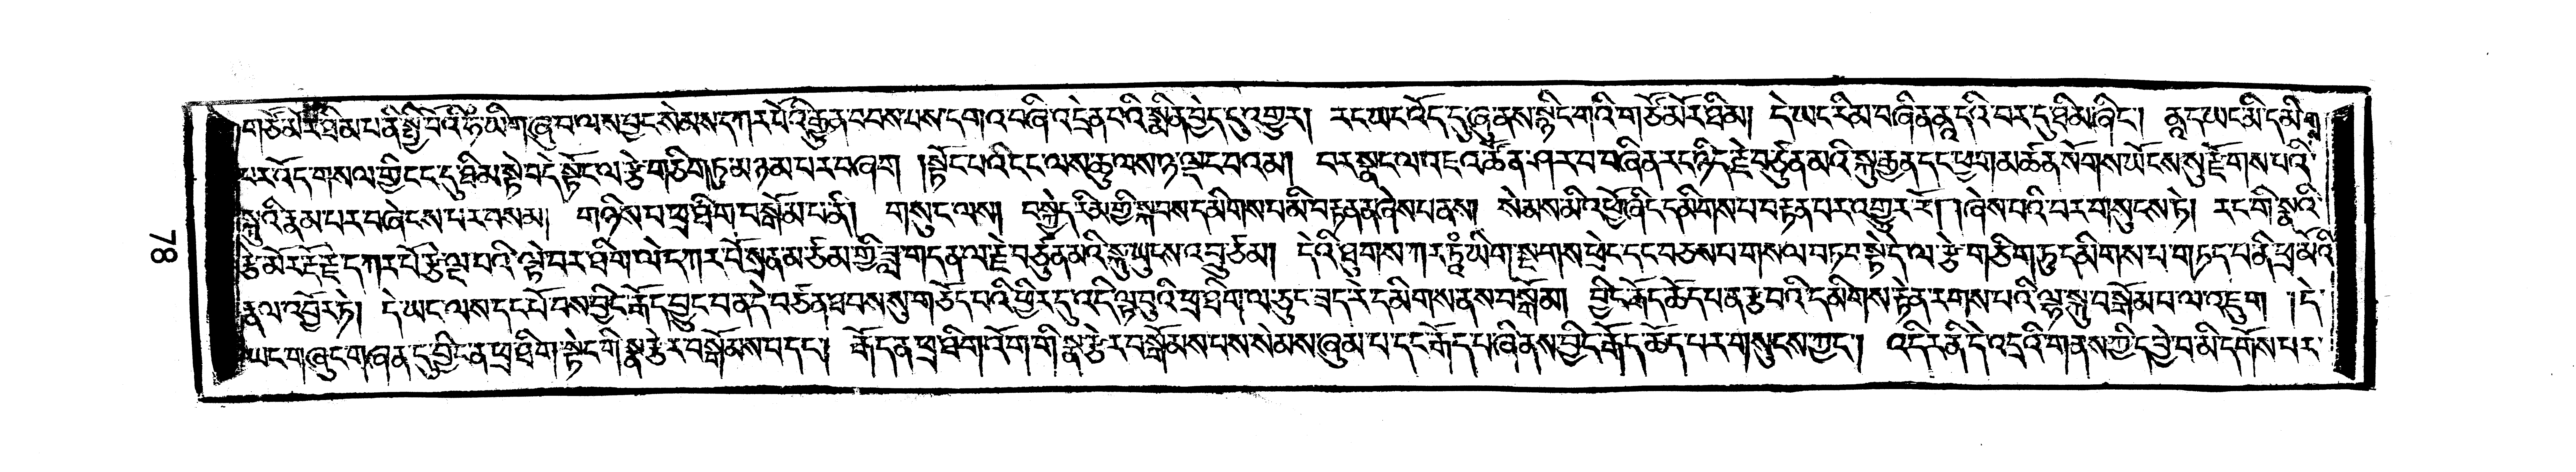གཙོ་མོར་ཐིམ་པ་ནི་སྤྱི་བོའི་ཧཾ་ཡིག་ཞུ་བ་ལས་བྱང་སེམས་དཀར་པོའི་རྒྱུན་བབས་བས་དགའ་བཞི་འདྲེན་པའི་སྨིན་བྱེད་དུ་འགྱུར། རང་ཡང་འོད་དུ་ཞུ་ནས་སྙིང་གའི་གཙོ་མོར་ཐིམ། དེ་ཡང་རིམ་བཞིན་ནཱ་དའི་བར་དུ་ཐིམ་ཞིང་། ནཱ་ད་ཡང་མི་དམིགས་
བར་འོད་གསལ་གྱི་ངང་དུ་ཐིམ་སྟེ་བདེ་སྟོང་ལ་རྩེ་གཅིག་ཏུ་མཉམ་པར་བཞག །སྟོང་པའི་ངང་ལས་ཆུ་ལས་ཉ་ལྡང་བའམ། བར་སྣང་ལ་འཇའ་ཚོན་ཤར་བ་བཞིན་རང་ཉིད་རྗེ་བཙུན་མའི་སྐུ་རྒྱན་དང་ཕྱག་མཚན་སོགས་ཡོངས་སུ་རྫོགས་པའི་
སྐུའི་རྣམ་པར་བཞེངས་པར་བསམ། གཉིས་པ་ཕྲ་ཐིག་བསྒོམ་པ་ནི། གསུང་ལས། བསྐྱེད་རིམ་གྱི་སྐབས་དམིགས་པ་མི་བརྟན་ན་ཞེས་པ་ནས། སེམས་མི་འཕྱོ་ཞིང་དམིགས་པ་བརྟན་པར་འགྱུར་རོ། །ཞེས་པའི་བར་གསུངས་ཏེ། རང་གི་སྣའི་
རྩེ་མོར་རྡོ་རྗེ་དཀར་པོ་རྩེ་ལྔ་པའི་ལྟེ་བར་ཐིག་ལེ་དཀར་པོ་སྲན་མ་ཙམ་གྱི་ཟླ་གདན་ལ་རྗེ་བཙུན་མའི་སྐུ་ཡུངས་འདྲུ་ཙམ། དེའི་ཐུགས་ཀར་ཏཱཾ་ཡིག་སྔགས་ཕྲེང་དང་བཅས་པ་གསལ་བཏབ་སྟེ་དེ་ལ་རྩེ་གཅིག་ཏུ་དམིགས་པ་གཏད་པ་ནི་ཕྲ་མོའི་
རྣལ་འབྱོར་ཏེ། དེ་ཡང་ལས་དང་པོ་བས་བྱིང་རྒོད་བྱུང་བ་ན་དེ་བཙན་ཐབས་སུ་གཅོད་པའི་ཕྱིར་དུ་འདི་ལྟ་བུའི་ཕྲ་ཐིག་ལ་ཅུང་ཟད་རེ་དམིགས་ནས་བསྒོམ། བྱིང་རྒོད་ཆོད་པ་ན་རྩ་བའི་དམིགས་རྟེན་རགས་པའི་ལྷ་སྐུ་བསྒོམ་པ་ལ་འཇུག །དེ་
ཡང་གཞུང་གཞན་དུ་བྱིང་ན་ཕྲ་ཐིག་སྟེང་གི་སྣ་རྩེར་བསྒོམས་པ་དང་། རྒོད་ན་ཕྲ་ཐིག་འོག་གི་སྣ་རྩེར་བསྒོམས་པས་སེམས་ཞུམ་པ་དང་རྒོད་པ་ཞི་ནས་བྱིང་རྒོད་ཆོད་པར་གསུངས་ཀྱང་། འདིར་ནི་དེ་འདྲའི་གནས་ཀྱི་དབྱེ་བ་མི་དགོས་པར་